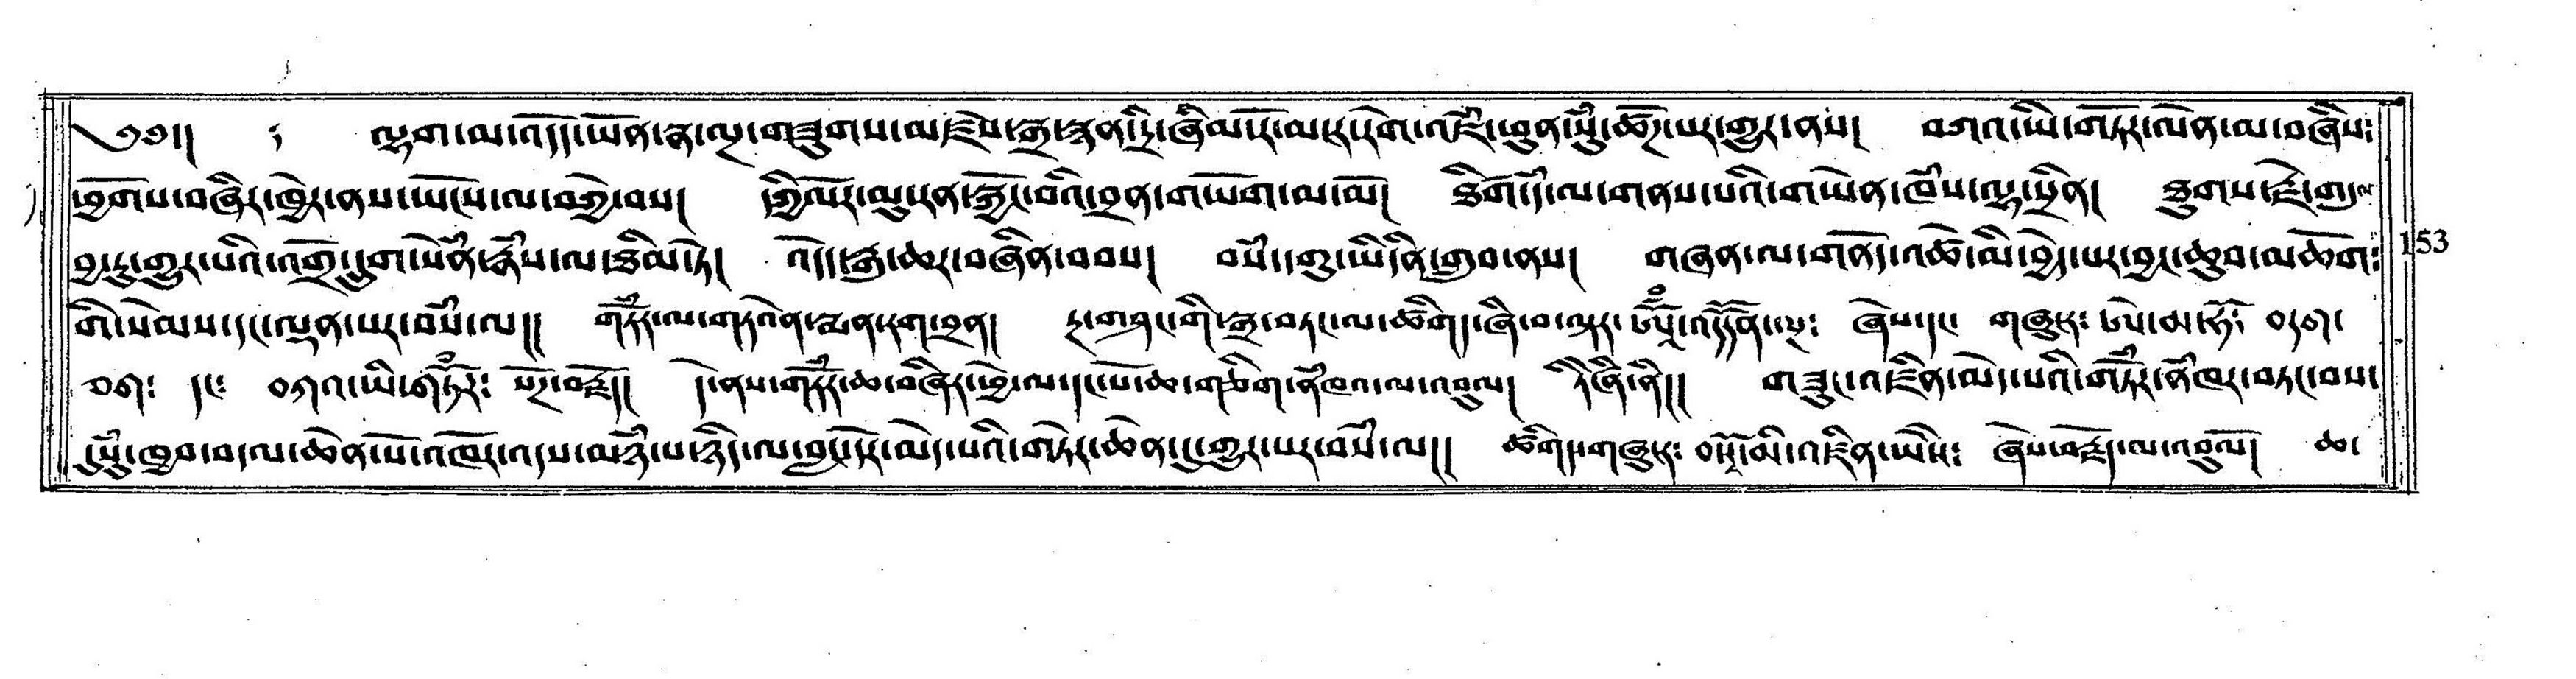ལྷག་མ་འདོད་ཡོན་སྣ་ལྔ་གཟུགས་མཛེས་སྒྲ་སྙན་དྲི་ཞིམ་རོ་མངར་རེག་འཇམ་ཕུན་སུམ་ཚོགས་པར་གྱུར་ནས། བཀའ་ཡི་གཏོར་ལེན་མ་བཞིས། 
ཕྱོགས་བཞིར་ཁྱེར་ནས་ཡོངས་ལ་བཀྱེ་བས། དཀྱིལ་འཁོར་མུ་རན་སྐྱོང་བའི་བྲན་གཡོག་མ་མོ། ཐིག་ལེ་དམ་ལ་གནས་པའི་གཡེན་ཁམས་ལྷ་སྲིན། ཐུགས་རྗེ་གདུལ་
བྱ་རུ་གྱུར་པའི་འགྲོ་དྲུག་སེམས་ཅན་རྣམས་ལ་ཐིམ་ཏེ། འདོད་རྒུ་ཆར་བཞིན་བབས། བསམ་དགུ་ཡིད་བཞིན་གྲུབ་ནས། གཞན་ལ་གནོད་འཚེ་མི་བྱེད་པར་བྱང་ཆུབ་མཆོག་
གི་སེམས་དང་ལྡན་པར་བསམ་ལ།། གཏོར་མ་ལ་གཏའ་ཆེན་སྨན་རག་བྲན། རྔ་གཤང་གི་སྒྲ་བཏང་ལ་ཚིག་བཤད་ཞི་བ་ལྟར་ཨཱོཾ་འདོད་ཡོན་ལྔ༴ ཞེས་དང་གཞུང་ལྟར༴ ཨེ་མ་ཧོ བདག་
ཅག༴ དང་བཀའ་ཡི་གཏོར་མ༴ སོགས་བརྗོད། དེ་ནས་གཏོར་མ་ཆ་བཞིར་ཕྱེ་ལ་དང་པོ་ཆ་གཅིག་ནམ་མཁའ་ལ་འབུལ། ཏིང་ངེ་འཛིན་ནི།། གཟུང་འཛིན་མེད་པའི་གཏོར་མ་ནམ་མཁར་བཏང་བས་
དུས་གསུམ་ཁྱབ་བདལ་ཆེན་པོ་འཁོར་འདས་མཉམ་པ་ཉིད་ལ་བླང་དོར་མེད་པའི་གཏེར་ཆེན་དུ་གྱུར་པར་བསམ་ལ།། ཚིག་བཤད་གཞུང་ལྟར༴ བསྭོ་མི་འཛིན་ཡེ་ཤེས༴ ཞེས་བརྗོད་ལ་འབུལ་ལོ། ཆ་